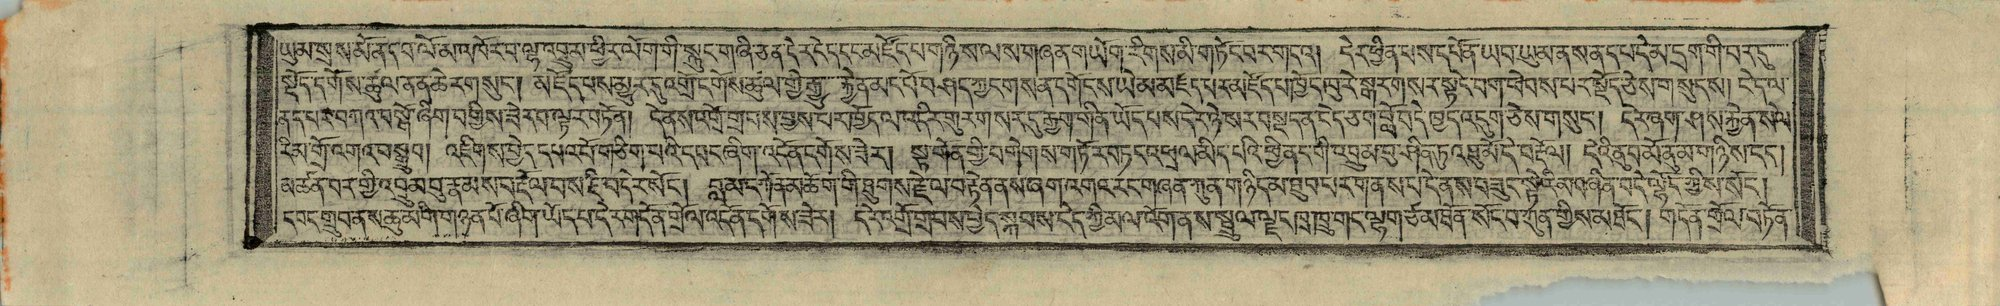ཡུམ་སྲས་མོ་ནད་པ་ལོ་མ་འཁོར་བ་ལྷ་འབྲུམ་ཕྱིར་ལོག་གི་སྙུང་གཞི་ཅན་དེར་ངེད་དང་མཛོད་པ་གཉིས་ལས་གཞན་གཡོག་རིགས་མི་གཏོང་བར་གདའ། དེར་ཕྱིན་པས་དཔོན་ཡབ་ཡུམ་ནས་ནད་པ་དེ་མ་དྲག་གི་བར་དུ་
སྡོད་དགོས་ཚུལ་ནན་ཆེར་གསུང་། མཛོད་པས་མྱུར་དུ་འགྲོ་དགོས་ཚུལ་གྱི་རྒྱུ་རྐྱེན་མང་པོ་བཤད་ཀྱང་གསན་དགོང་ས་ཡེ་མ་མཛད་པར་མཛོད་པ་ཁྱོད་ཁུ་རེ་སྒར་གསར་སྟེང་བག་ཕེབས་པར་སྡོད་ཅེས་གསུངས། ངེད་ལ་
ནད་པར་བཀའ་བསྒོ་ཞིག་བགྱིས་ཟེར་བ་ལྟར་བཏོན། དེ་ནས་འགྲོ་གྲབས་བྱས་པར་ཁྱོད་ལ་འདིར་གུར་གསར་དུ་རྒྱག་གིན་ཡོད་པས་དེར་ཉེ་སར་བསྡད་ན་ངེད་ཅག་བློ་བདེ་ཁྱད་འདུག་ཅེས་གསུང་། དེར་ཞག་ཤས་རྐྱེན་སེལ་
རིམ་གྲོ་འགའ་བསྒྲུབ། འཇིགས་བྱེད་དཔའ་བོ་གཅིག་པའི་དབང་ཞིག་འདོན་དགོས་ཟེར། སྟ་གོན་གྱི་བགེགས་གཏོར་བཏང་འཕྲལ་མིད་པའི་ཕྱི་ནང་གི་འབྲུམ་བུ་ཤིན་ཏུ་འཐུ་མོ་དེ་བརྡོལ། དེའི་ནུབ་མོ་ནུ་མ་གཉིས་དང་།
མཚན་བར་གྱི་འབྲུམ་བུ་རྣམས་བརྡོལ་བས་ཇི་བདེར་སོང་། བླ་མ་དཀོན་མཆོག་གི་ཐུགས་རྗེ་ལ་བརྟེན་ནས་ཞག་འགའ་རང་གཞན་ཀུན་གཉིད་མ་ཐུབ་པར་གནས་པ་དེ་ནས་བཟུང་སྟེ་རིམ་བཞིན་བདེ་ལྷོད་ཀྱིས་སོང་།
དབང་གྲུབ་ནས་ཆུ་མིག་གཉན་པོ་ཞིག་ཡོད་པ་དེར་གདོན་གྲོལ་འདོན་དགོས་ཟེར། དེར་འགྲོ་གྲབས་བྱེད་སྐབས་ངེད་ཀྱི་མལ་འོག་ནས་སྤྲུལ་ལྗང་ཁྲ་ཁྲུ་གང་ལྷག་ཙམ་ཐོན་སོང་བ་ཀུན་གྱིས་མཐོང་། གདོན་གྲོལ་བཏོན་